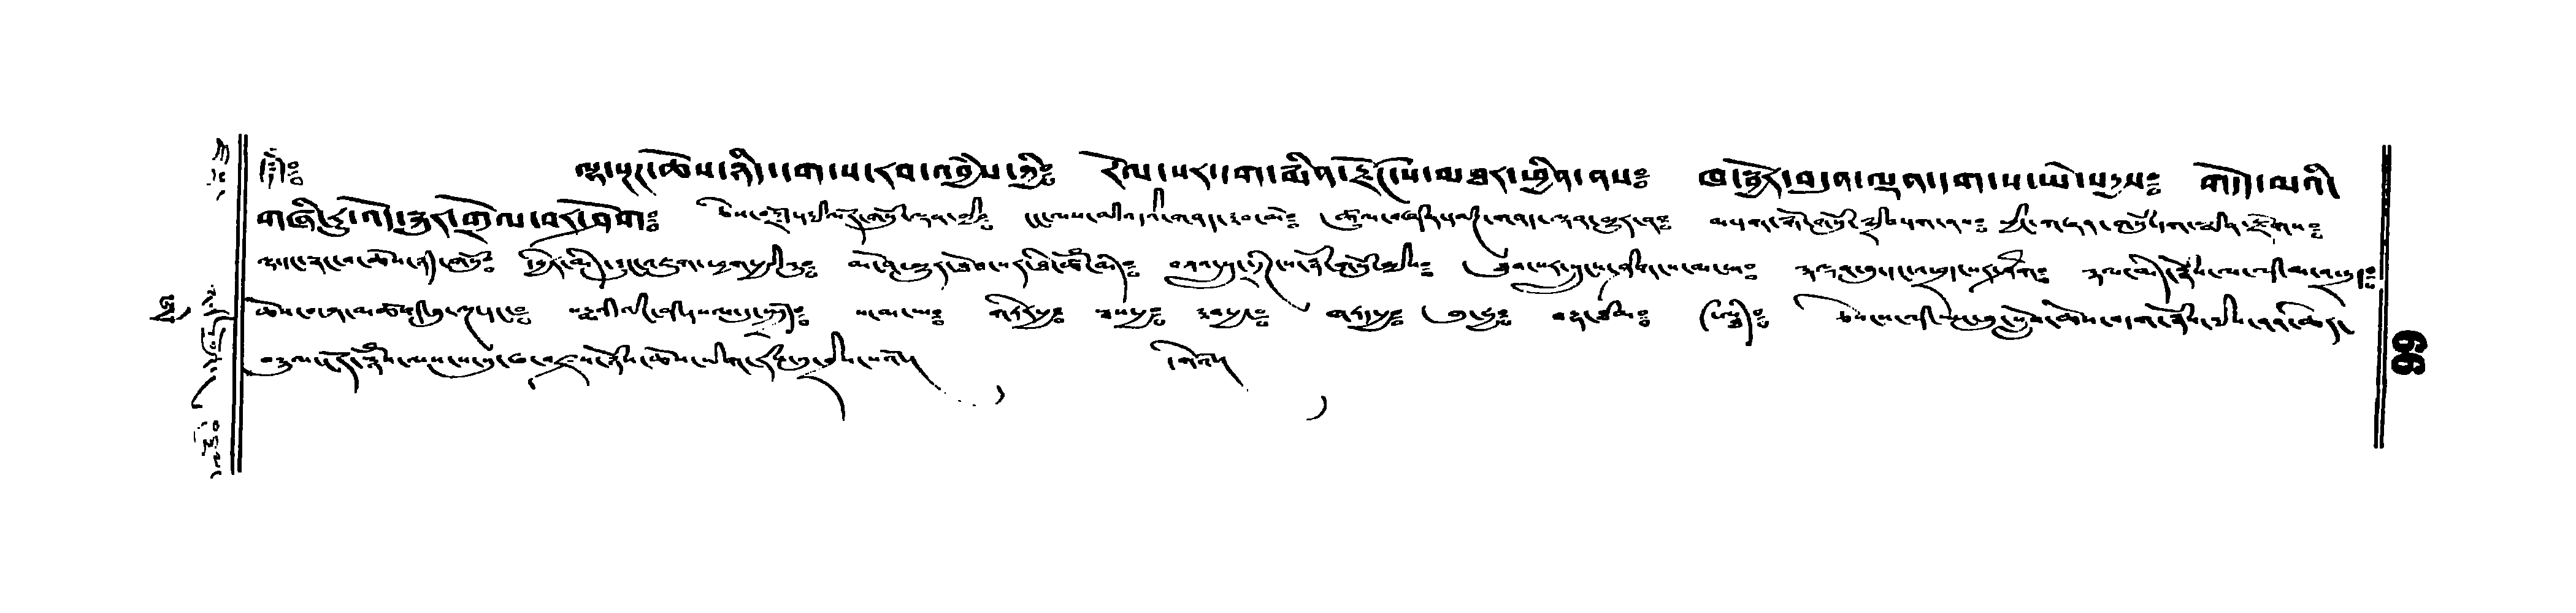ལྷ་སྔགས་ཆོས་ཉིད་དག་པར་འབྱམས་ཀྱི༔ རོལ་པར་དག་སྨིན་རྫོགས་པ་མཐར་ཕྱིན་ནས༔ ཁ་སྦྱོར་བདུན་ལྡན་དག་པ་ཡེ་སངས་རྒྱས༔ གདོད་མའི་
གཞི་རུ་འོད་སྐུར་གྲོལ་བར་ཤོག༔ ཅེས་བརྗོད་དཀྱིལ་འཁོར་གསུམ་ལྡན་གྱི༔ ངང་ལ་མི་འདའི་གནད་ཟབ་མོ༔ ཚུལ་བཞིན་དམིགས་གནད་ལྡན་མྱུར་ན༔ མ་དག་སྒོ་གསུམ་སྒྲིབ་དག་ནས༔ ཕྱི་ནང་གཞན་གསུམ་དག་སྨིན་རྫོགས༔ 
ལྷ་དང་སྣང་བ་ཆོས་ཉིད་གསུམ༔ དབྱེར་མེད་ཟུང་འཇུག་ཕྱག་རྒྱའི་སྐུ༔ མངོན་གྱུར་ཐོབ་པར་ཐེ་ཚོམ་མེད༔ བཀའ་སྲུང་དྲེགས་པ་རྣམས་གསུམ་གྱིས༔ ཐུབ་པར་སྲུངས་ཤིག་ས་མ་ཡ༔ སྐལ་ལྡན་བུ་དང་འཕྲད་པར་ཤོག༔ སྐལ་མེད་རྣམས་ལ་འདི་མ་འཕྲད༔ 
ཆོས་བདག་མཆོག་གི་བུ་ལྔ་དང༔ པདྨའི་མིང་གི་དཔལ་དུ་སྤྲོད༔ ས་མ་ཡ༔ གཏེར་རྒྱ༔ སྦས་རྒྱ༔ ཟབ་རྒྱ༔ གཏད་རྒྱ༔ གུ་ཧྱ༔ བརྡ་ཐིམ༔ ༔ ཅེས་པ་འདི་ཡང་བུ་སློབ་ཆོས་བདག་རྣམས་ཀྱིས་ནན་ཆེར་
བསྐུལ་ངོར་སྙོམས་ལས་པ་སུ་ཁ་བཛྲས་ཉམས་ཆོས་ཡིག་རིས་སུ་བྲིས་པའོ།། དགེའོ།།